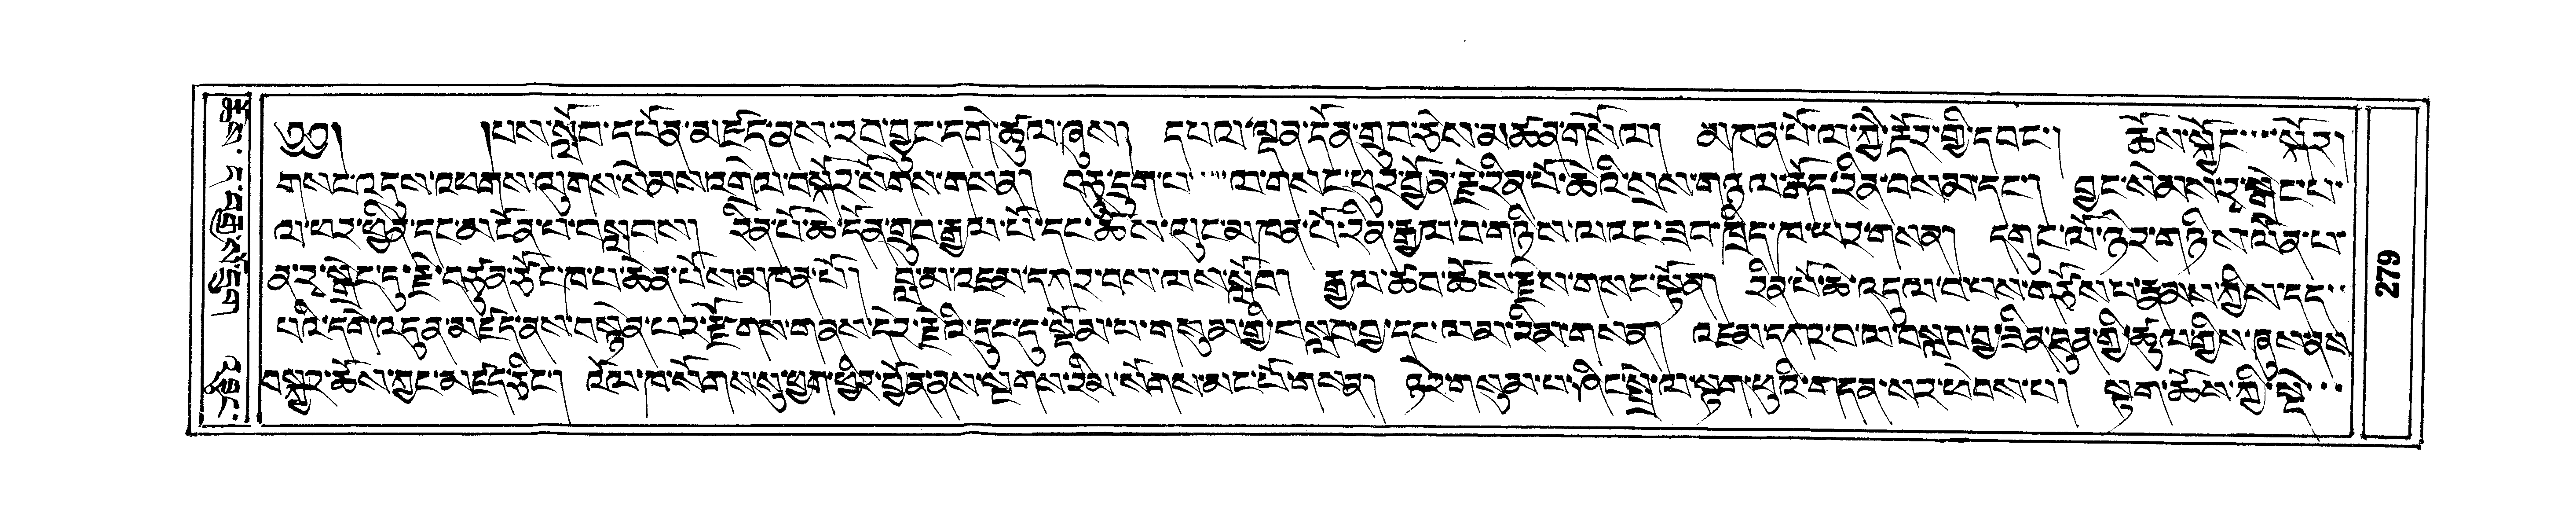༄༅། །པས་སློབ་དཔོན་མཛད་ནས་རབ་བྱུང་དགེ་ཚུལ་ཞུས། དཔལ་ལྡན་དོན་གྲུབ་ཅེས་མཚན་གསོལ། མཁྱན་པོ་ལ་ཀྱཻ་རྡོར་གྱི་དབང་། ཆོས་སྐྱོང་སྐོར།
གསལ་འདུས་འཕགས་ལུགས་སེམས་འགྲེལ་བསྐོར་སོགས་གསན། བཅུ་དྲུག་པ་ལ་གསང་ཕུར་བྱོན་རྗེ་རིན་པོ་ཆེའི་སྲས་གཉལ་རྒོད་རིན་བསམ་དང་། བྱང་སེམས་རྭ་སྒྲེང་བ་
ལ་ཕར་ཕྱིན་དང་མངོན་པ་བསླབས། རིན་པོ་ཆེ་དོན་གྲུབ་རྒྱལ་པོ་དང་ཆོས་ལུང་མཁན་པོ་རིན་རྒྱལ་བ་གཉིས་ལའང་ཟབ་ཁྲིད་ཁ་ཡར་གསན། དགུང་ལོ་ཉེར་གཉིས་ལོན་པ་
ན་རྭ་སྒྲེང་དུ་རྗེ་བརྩུན་ཙོང་ཁ་པ་ཆེན་པོས་མཁན་པོ། བླ་མ་འཇམ་དཀར་བས་ལས་སློབ། རྒྱལ་ཚབ་ཆོས་རྗེས་གསང་སྟོན། རིན་པོ་ཆེ་འདུལ་བ་པས་གཙོས་པ་རྣམས་ཀྱིས་དད་
པའི་དགེ་འདུན་མཛད་ནས་བསྙེན་པར་རྫོགས་གནས་དེར་རྗེའི་དྲུང་དུ་སྡོམ་པ་གསུམ་གྱི་བསླབ་བྱ་དང་ལམ་རིམ་གསན། འཇམ་དཀར་བ་ལ་བསླབ་བྱ་ཟིན་མཐུན་གྱི་ཚུལ་གྱིས་ཞུས་ནས་
བསྐྱར་ཆོས་ཀྱང་མཛད་ཅིང་། འོལ་ཁ་སོགས་སུ་ཕྱག་ཕྱིར་བྱོན་ནས་སྔགས་རིམ་སོགས་མང་པོ་གསན། ཉེར་གསུམ་པ་ཤིང་སྤྲེ་ལ་སྟག་ཕུའི་གདན་སར་ཕེབས་པ། སྟག་ཆོས་ཀྱི་སྡེ་